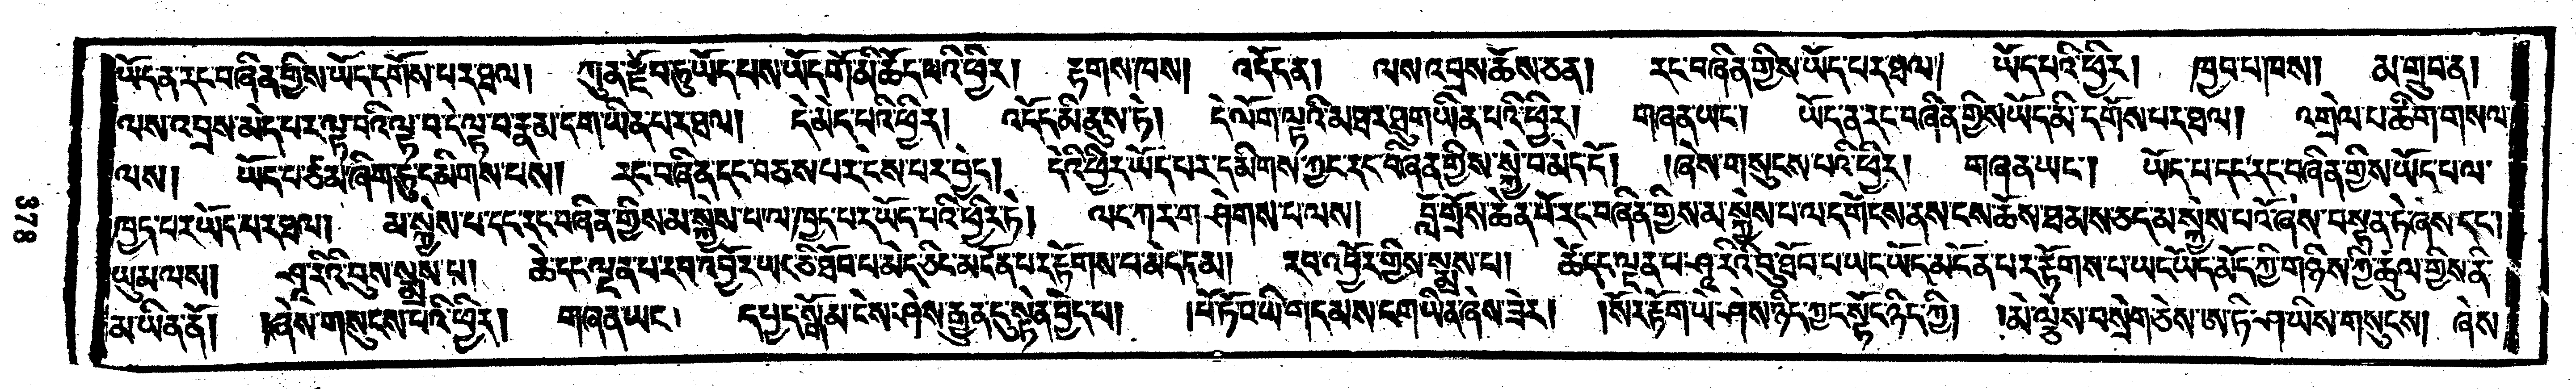ཡོད་ན་རང་བཞིན་གྱིས་ཡོད་དགོས་པར་ཐལ། ཀུན་རྫོབ་ཏུ་ཡོད་པས་ཡོད་གོ་མི་ཆོད་པའི་ཕྱིར། རྟགས་ཁས། འདོད་ན། ལས་འབྲས་ཆོས་ཅན། རང་བཞིན་གྱིས་ཡོད་པར་ཐལ། ཡོད་པའི་ཕྱིར། ཁྱབ་པ་ཁས། མ་གྲུབ་ན།
ལས་འབྲས་མེད་པར་ལྟ་བའི་ལྟ་བ་དེ་ལྟ་བ་རྣམ་དག་ཡིན་པར་ཐལ། དེ་མེད་པའི་ཕྱིར། འདོད་མི་ནུས་ཏེ། དེ་ལོག་ལྟའི་མཐར་ཐུག་ཡིན་པའི་ཕྱིར། གཞན་ཡང་། ཡོད་ན་རང་བཞིན་གྱིས་ཡོད་མི་དགོས་པར་ཐལ། འགྲེལ་པ་ཚིག་གསལ་
ལས། ཡོད་པ་ཙམ་ཞིག་ཏུ་དམིགས་པས། རང་བཞིན་དང་བཅས་པར་ངེས་པར་བྱེད། དེའི་ཕྱིར་ཡོད་པར་དམིགས་ཀྱང་རང་བཞིན་གྱིས་སྐྱེ་བ་མེད་དོ། །ཞེས་གསུངས་པའི་ཕྱིར། གཞན་ཡང་། ཡོད་པ་དང་རང་བཞིན་གྱིས་ཡོད་པ་ལ་
ཁྱད་པར་ཡོད་པར་ཐལ། མ་སྐྱེས་པ་དང་རང་བཞིན་གྱིས་མ་སྐྱེས་པ་ལ་ཁྱད་པར་ཡོད་པའི་ཕྱིར་ཏེ། ལང་ཀར་གཤེགས་པ་ལས། བློ་གྲོས་ཆེན་པོ་རང་བཞིན་གྱིས་མ་སྐྱེས་པ་ལ་དགོངས་ནས་ངས་ཆོས་ཐམས་ཅད་མ་སྐྱེས་པའོ་ཞེས་བསྟན་ཏེ་ཞེས་དང་།
ཡུམ་ལས། ཤཱ་རིའི་བུས་སྨྲས་པ། ཆེ་དང་ལྡན་པ་རབ་འབྱོར་ཡང་ཅི་ཐོབ་པ་མེད་ཅིང་མངོན་པར་རྟོགས་པ་མེད་དམ། རབ་འབྱོར་གྱིས་སྨྲས་པ། ཚེ་དང་ལྡན་པ་ཤཱ་རིའི་བུ་ཐོབ་པ་ཡང་ཡོད་མངོན་པར་རྟོགས་པ་ཡང་ཡོད་མོད་ཀྱི་གཉིས་ཀྱི་ཚུལ་གྱིས་ནི་
མ་ཡིན་ནོ། །ཞེས་གསུངས་པའི་ཕྱིར། གཞན་ཡང་། དཔྱད་སྒོམ་ངེས་ཤེས་རྒྱུན་དུ་སྟེན་བྱེད་པ། །པོ་ཏོ་བ་ཡི་གདམས་ངག་ཡིན་ཞེས་ཟེར། །སོར་རྟོག་ཡེ་ཤེས་ཉིད་ཀྱང་སྟོང་ཉིད་ཀྱི། །མེ་ལྕེས་བསྲེག་ཅེས་ཨ་ཏི་ཤ་ཡིས་གསུངས། ཞེས་